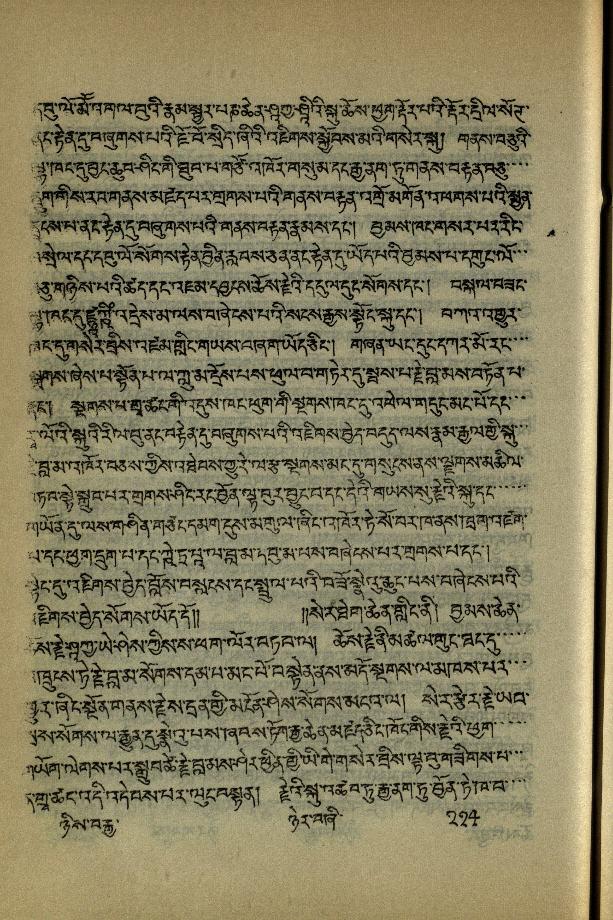དབུ་ལོ་མཽ་འགལ་བུའི་རྣམ་སྦྱར་པཎ་ཆེན་ཤཱཀྱ་ཤྲཱིའི་སྐུ་ཆོས་ཕྱག་རྡོར་པའི་རྡོར་དྲིལ་སོཊ་
ནང་རྟེན་དུ་བཞུགས་པའི་ཇོ་བོ་སྲིད་ཞིའི་འཇིགས་སྐྱོབས་མའི་གསེར་སྐུ། གནས་བཅུའི་
ལྷ་ཁང་དུ་བྱང་ཆུབ་ཤིང་གི་ཐུབ་པ་གཙོ་འཁོར་གསུམ་དང་རྒྱ་ནག་ཏུ་གནས་བརྟན་བཅུ་
དྲུག་གིས་རབ་གནས་མཛད་པར་གྲགས་པའི་གནས་བརྟན་འགྲོ་མགོན་འཕགས་པའི་སྤྱན་
དྲངས་པ་ནང་རྟེན་དུ་བཞུགས་པའི་གནས་བརྟན་རྣམས་དང་། བྱམས་ཁང་གསར་པར་རིང་
བསྲེལ་དང་དབུ་ལོ་སོགས་རྟེན་བྱིན་རླབས་ཅན་ནང་རྟེན་དུ་ཡོད་པའི་བྱམས་པ་དགུང་ལོ་
བཅུ་གཉིས་པའི་ཚད་དང་འཇམ་དབྱངས་ཆོས་རྗེའི་དངུལ་དུང་སོགས་དང་། བསྐལ་བཟང་
ལྷ་ཁང་དུ་ཛྙཱ་ཀྵིཾ་འདྲེས་མ་ལས་བཞེངས་པའི་སངས་རྒྱས་སྟོང་སྐུ་དང་། བཀའ་འགྱུར་
ཁང་དུ་གསེར་བྲིས་འཛམ་གླིང་གཡས་བཞག་ཡོད་ཅིང་། གཞན་ཡང་དུང་དཀར་མོ་རང་
སྒྲགས་ཞེས་པ་སྟོན་པ་ལ་ཀླུ་མ་དྲོས་པས་ཕུལ་བ་གཏེར་དུ་སྦས་པ་རྗེ་བླ་མས་བཏོན་པ་
དང་། སྔགས་པ་གྲྭ་ཚང་གི་འདུས་ཁང་ཕུག་གི་སྔགས་ཁང་དུ་འཕེལ་གདུང་མང་པོ་དང་
རྭ་ལོའི་སྐུའི་རིལ་བུ་ནང་བརྟེན་དུབ་ཞུགས་པའི་འཇིགས་བྱེད་བདུད་ལས་རྣམ་རྒྱལ་གྱི་སྐུ་
རྗེ་བླ་མ་འཁོར་བཅས་ཀྱིས་འཐེབས་ཀྱུ་རེ་ལ་རྩ་སྔགས་མང་དུ་གསུངས་ནས་ལྗགས་མཆིལ་
བཏབ་སྟེ་སྒྲུབ་པར་གྲགས་ཤིང་རང་བྱོན་ལྟ་བུར་བྱུང་བ་དང་དེའི་གཡས་སུ་རྗེའི་སྐུ་དང་
གཡོན་དུ་ལས་གཤིན་གཙང་དམག་དུས་མགུལ་ཞིང་འཁོར་ཏེ་སོ་བར་ཁ་ནས་ཁྲག་འཛག་
པ་དང་ཕྱག་དྲུག་པ་དང་ཀྵེ་ཏྲ་པཱ་ལ་བླ་མ་དབུ་མ་པས་བཞེངས་པར་གྲགས་པ་དང་།
སྟེང་དུ་འཇིགས་བྱེད་བློས་བསླངས་དང་སྤྲུལ་པའི་བཟོ་སྣེའུ་ཆུང་པས་བཞེངས་པའི་
འཇིགས་བྱེད་སོགས་ཡོད་དོ།། །།སེ་ར་ཐེག་ཆེན་གླིང་ནི། བྱམས་ཆེན་
ཆོས་རྗེ་ཤཱཀྱ་ཡེ་ཤེས་ཀྱིས་ས་ཕག་ལོར་བཏབ་ལ། ཆོས་རྗེ་ནི་མཚལ་གུང་ཐང་དུ་
འཁྲུངས་ཏེ་རྗེ་བླ་མ་སོགས་དམ་པ་མང་པོ་བསྟེན་ནས་མདོ་སྔགས་ལ་མཁས་པར་
གྱུར་ཞིང་སྔོན་གནས་རྗེས་དྲན་གྱི་མངོན་ཤེས་སོགས་མངའ་ལ། སེར་རྩེར་རྗེ་ཡབ་
སྲས་སོགས་ལ་རྒྱུན་དུ་སྣེའུ་པས་ཞབས་ཏོག་རྒྱ་ཆེན་མཛད་ཅིང་ཁོང་གིས་རྗེའི་ཕྱག་
གཡོག་ལེགས་པར་སྒྲུབ་ཚེ་རྗེ་བླ་མས་ཤེར་ཕྱིན་གྱི་ཡི་གེ་གསེར་བྲིས་ལྟ་བུ་གཟིགས་པ་
ན་གྲྭ་ཚང་འདི་འདེབས་པར་ལུང་བསྟན། རྗེའི་སྐུ་འཚབ་ཏུ་རྒྱ་ནག་ཏུ་བྱོན་ཏེ་ཁ་བ་